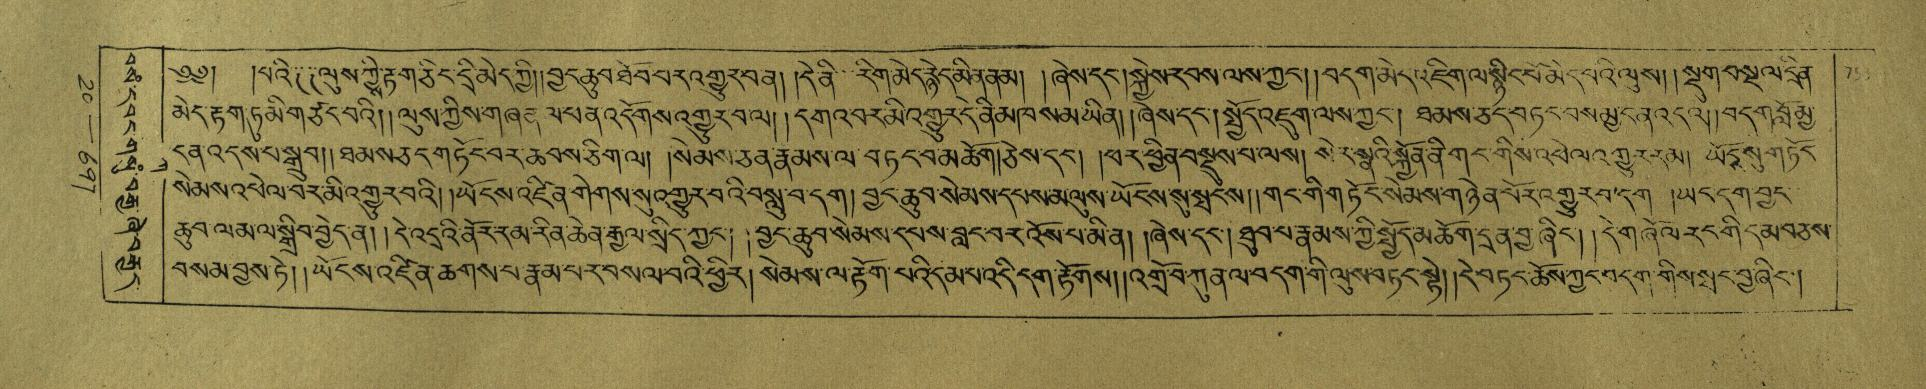༄༅། །པའི༑ ༑ལུས་ཀྱིས་རྟག་ཅིང་དྲི་མེད་ཀྱི། །བྱང་ཆུབ་ཐོབ་པར་འགྱུར་བ་ན། །དེ་ནི་རིག་མེད་རྙེད་མིན་ནམ། །ཞེས་དང་། སྐྱེས་རབས་ལས་ཀྱང་། །བདག་མེད་འཇིག་ལ་སྙིང་པོ་མེད་པའི་ལུས། །སྡུག་བསྔལ་དྲིན་
མེད་རྟག་ཏུ་མི་གཙང་བའི། །ལུས་ཀྱིས་གཞན་ལ་ཕན་འདོགས་འགྱུར་བ་ལ། །དགའ་བར་མི་འགྱུར་དེ་ནི་མཁས་མ་ཡིན། །ཞེས་དང་། སྤྱོད་འཇུག་ལས་ཀྱང་། ཐམས་ཅད་བཏང་བས་མྱ་ངན་འདའ། །བདག་བློ་མྱ་
ངན་འདས་པ་སྒྲུབ། །ཐམས་ཅད་གཏོང་བར་ཆབས་ཅིག་ལ། །སེམས་ཅན་རྣམས་ལ་བཏང་བ་མཆོག །ཅེས་དང་། །ཕར་ཕྱིན་བསྡུས་པ་ལས། སེར་སྣའི་སྐྱོན་ནི་གང་གིས་འཕེལ་འགྱུར་རམ། ཡོངས་སུ་གཏོང་
སེམས་འཕེལ་བར་མི་འགྱུར་བའི། །ཡོངས་འཛིན་གེགས་སུ་འགྱུར་བའི་བསླུ་བ་དག །བྱང་ཆུབ་སེམས་དཔས་མ་ལུས་ཡོངས་སུ་སྤངས། །གང་གི་གཏོང་སེམས་གཉེན་པོར་འགྱུར་བ་དག །ཡང་དག་བྱང་
ཆུབ་ལམ་ལ་སྒྲིབ་བྱེད་ན། །དེ་འདྲའི་ནོར་རམ་རིན་ཆེན་རྒྱལ་སྲིད་ཀྱང་། །བྱང་ཆུབ་སེམས་དཔས་བླང་བར་འོས་པ་མིན། །ཞེས་དང་། ཐུབ་པ་རྣམས་ཀྱི་སྤྱོད་མཆོག་དྲན་བྱ་ཞིང་། །དེ་གཞོལ་རང་གི་དམ་བཅས་
བསམ་བྱས་ཏེ། །ཡོངས་འཛིན་ཆགས་པ་རྣམ་པར་བསལ་བའི་ཕྱིར། སེམས་ལ་རྟོག་པའི་དམ་པ་འདི་དག་རྟོགས། །འགྲོ་བ་ཀུན་ལ་བདག་གི་ལུས་བཏང་སྟེ། །དེ་བཏང་ཆོས་ཀྱང་བདག་གིས་སྤང་བྱ་ཞིང་།